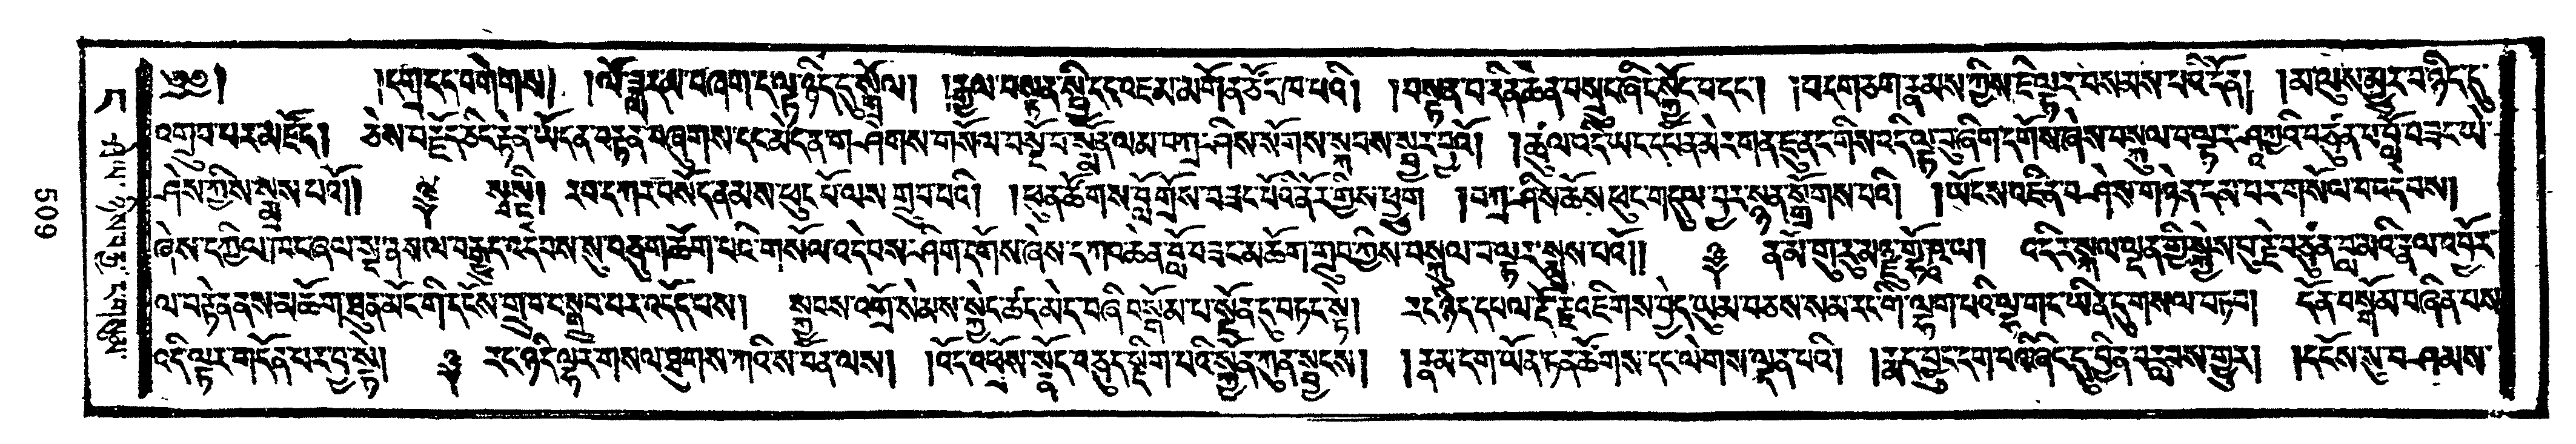༄༅། །དགྲ་དང་བགེགས། །ལོ་ཟླར་མ་བཞག་ད་ལྟ་ཉིད་དུ་སྒྲོལ། །རྒྱལ་བསྟན་སྤྱི་དང་འཇམ་མགོན་ཙོང་ཁ་པའི། །བསྟན་པ་རིན་ཆེན་བསྲུང་ཞིང་སྐྱོང་བ་དང་། །བདག་ཅག་རྣམས་ཀྱིས་ཇི་ལྟར་བསམས་པའི་དོན། །མ་ལུས་མྱུར་བ་ཉིད་དུ་
འགྲུབ་པར་མཛོད། ཅེས་བརྗོད་ཅིང་རྟེན་ཡོད་ན་བརྟན་བཞུགས་དང་མེད་ན་གཤེགས་གསོལ་བསྔོ་བ་སྨོན་ལམ་བཀྲ་ཤིས་སོགས་སྐབས་སྦྱར་བྱའོ། །ཚུལ་འདི་ཡང་དཔོན་མེར་གང་ཇུ་ནང་གིས་འདི་ལྟ་བུ་ཞིག་དགོས་ཞེས་བསྐུལ་བ་ལྟར་ཤཱཀྱའི་བཙུན་པ་བློ་བཟང་ཡེ་
ཤེས་ཀྱིས་སྨྲས་པའོ། །༈ སྭསྟི། རབ་དཀར་བསོད་ནམས་ཕུང་པོ་ལས་གྲུབ་པའི། །ཕུན་ཚོགས་བློ་གྲོས་བཟང་པོའི་ནོར་གྱིས་ཕྱུག །བཀྲ་ཤིས་ཆོས་ཕུང་གདུལ་བྱར་སྙན་སྒྲོགས་པའི། །ཡོངས་འཛིན་བཤེས་གཉེན་དམ་པར་གསོལ་བ་འདེབས།
ཞེས་དཀྱིལ་ཁང་ཞལ་སྔ་ནས་ལ་བརྒྱུད་འདེབས་སུ་བཅུག་ཆོག་པའི་གསོལ་འདེབས་ཤིག་དགོས་ཞེས་དཀའ་ཆེན་བློ་བཟང་མཆོག་གྲུབ་ཀྱིས་བསྐུལ་བ་ལྟར་སྨྲས་པའོ། །༈ ན་མོ་གུ་རུ་མཉྫུ་གྷོ་ཥཱ་ཡ། འདིར་སྐལ་ལྡན་གྱི་སྐྱེས་བུ་རྗེ་བཙུན་བླ་མའི་རྣལ་འབྱོར་
ལ་བརྟེན་ནས་མཆོག་ཐུན་མོང་གི་དངོས་གྲུབ་བསྒྲུབ་པར་འདོད་པས། སྐྱབས་འགྲོ་སེམས་སྐྱེད་ཚད་མེད་བཞི་བསྒོམ་པ་སྔོན་དུ་བཏང་སྟེ། རང་ཉིད་དཔལ་རྡོ་རྗེ་འཇིགས་བྱེད་ཡུམ་བཅས་སམ་རང་གི་ལྷག་པའི་ལྷ་གང་ཡིན་དུ་གསལ་བཏབ། དོན་བསྒོམ་བཞིན་པས་
འདི་ལྟར་གདོན་པར་བྱ་སྟེ། ༈ རང་ཉིད་ལྷར་གསལ་ཐུགས་ཀའི་ས་བོན་ལས། །འོད་འཕྲོས་སྣོད་བཅུད་སྡིག་པའི་སྐྱོན་ཀུན་སྦྱངས། །རྣམ་དག་ཡོན་ཏན་ཚོགས་དང་ལེགས་ལྡན་པའི། །རྨད་བྱུང་དག་བའི་ཞིང་དུ་བྱིན་བརླབས་གྱུར། །དངོས་སུ་བཤམས་